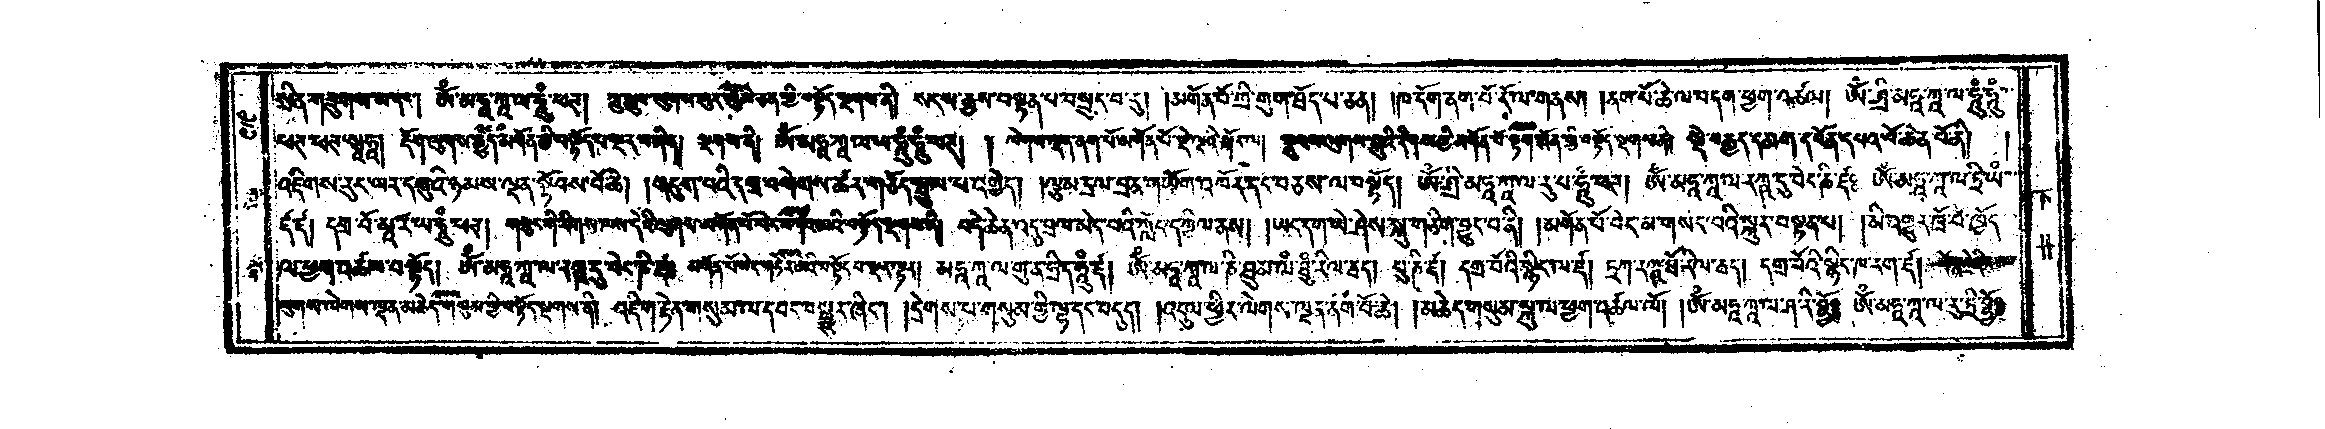སྲིན་གཟུགས་མ་དང་། ཨོཾ་མཧཱ་ཀཱ་ལ་ཧཱུཾ་ཕཊ། ཀླུ་སྒྲུབ?་ལུགས་གུར་ཡུམ༢༤༨་ཅན་གྱི་བསྟོད་སྔགས་ནི། སངས་རྒྱས་བསྟན་པ་བསྲུང་བ་རུ། །མགོན་པོ་གྲི་གུག་ཐོད་པ་ཅན། །ཁ་དོག་ནག་པོ་རོ་ལ་གནས། །ནག་པོ་ཆེ་ལ་བདག་ཕྱག་འཚལ། ཨོཾ་ཤྲི་མཧཱ་ཀཱ་ལ་ཧཱུཾ་ཧཱུཾ་
ཕཊ་ཕཊ་སྭཱཧཱ། རྡོག་ལུགས་རྒྱུད༢༤༩་མགོན་གྱི་བསྟོད་པ་སྔར་བཞིན། སྔགས་ནི། ཨོཾ་མཧཱ་ཀཱ་ལ་ཡ་ཧཱུཾ་ཧཱུཾ་ཕཊ། ༈ ལེགས་ལྡན་ནག་པོ་མགོན་པོ་སྡེ་ལྔའི་སྐོར་ལ། སྣུབས་ལུགས་སྐུའི་རིགས་ཀྱི་མགོན་པོ་སྟག༢༥༠་ཞོན་གྱི་བསྟོད་སྔགས་ནི། སྡེ་བརྒྱད་དམག་དཔོན་དཔའ་བོ་ཆེན་པོ་ནི། །
འཇིགས་རུང་གར་དགུའི་ཉམས་ལྡན་སྟོབས་པོ་ཆེ། །གདུག་པའི་དགྲ་བགེགས་ཚར་གཅོད་སྤྲུལ་པ་འགྱེད། །ལྕམ་དྲལ་བྲན་གཡོག་འཁོར་དང་བཅས་ལ་བསྟོད། ཨོཾ་ཤྲི་མཧཱ་ཀཱ་ལ་རུ་པ་ཧཱུཾ་ཕཊ། ཨོཾ་མཧཱ་ཀཱ་ལ་རཀྵ་དུ་བེང་ཎི་ཛཿ ཨོཾ་མཧཱ་ཀཱ་ལ་ཏྲི་ཡཾ་
ཛ་ཛ། དགྲ་བོ་མཱ་ར་ཡ་ཧཱུཾ་ཕཊ། གསུང་གི་རིགས་ལས་དེའི་ལུགས་མགོན་པོ་བེང་བཀའ༢༥༡་མའི་བསྟོད་སྔགས་ནི། བདེ་ཆེན་འདུ་བྲལ་མེད་པའི་ཀློང་དཀྱིལ་ནས། །ཡང་དག་ཡེ་ཤེས་སྐུ་གཅིག་བྱུང་བ་ནི། །མགོན་པོ་བེང་མ་གསང་བའི་སྐུར་བསྟན་པ། །མི་འགྱུར་ཁྲོ་བོ་ཁྱོད་
ལ་ཕྱག་འཚལ་བསྟོད། ཨོཾ་མཧཱ་ཀཱ་ལ་རཀྵ་དུ་བེང་ཎི་ཛཿ མགོན་པོ་?་གཏེར༢༥༢་མའི་བསྟོད་པ་སྔར་ལྟར། མཧཱ་ཀཱ་ལ་གུ་ན་ཧྲི་ད་ཧཱུཾ་ཛ། ཨོཾ་མཧཱ་ཀཱ་ལ་ཎི་ཐུམ་ལཾ་ཐུཾ་རིལ་རྦད། པུ་ཎི་ཛ། དགྲ་བོའི་སྙིང་ལ་ཛ། ཏྲཀ་རཀྵ་ཐོ་རིལ་རྦད། དགྲ་བོའི་སྙིང་ཁ་རག་ཛ། ཛེ་ཏཱ་རེའི་
ལུགས་ལེགས་ལྡན་མཆེད༢༥༣་གསུམ་གྱི་བསྟོད་སྔགས་ནི། འཇིག་རྟེན་གསུམ་ལ་དབང་བསྒྱུར་ཞིང་། །དྲེགས་པ་གསུམ་གྱི་ལྷ་དང་བདུད། །འདུལ་ཕྱིར་ལེགས་ལྡན་ནག་པོ་ཆེ། །མཆེད་གསུམ་སྐུ་ལ་ཕྱག་འཚལ་ལོ། །ཨོཾ་མཧཱ་ཀཱ་ལ་ཤ་རི་བྷྱོཿ ཨོཾ་མཧཱ་ཀཱ་ལ་རུ་ཏྲི་བྷྱོཿ